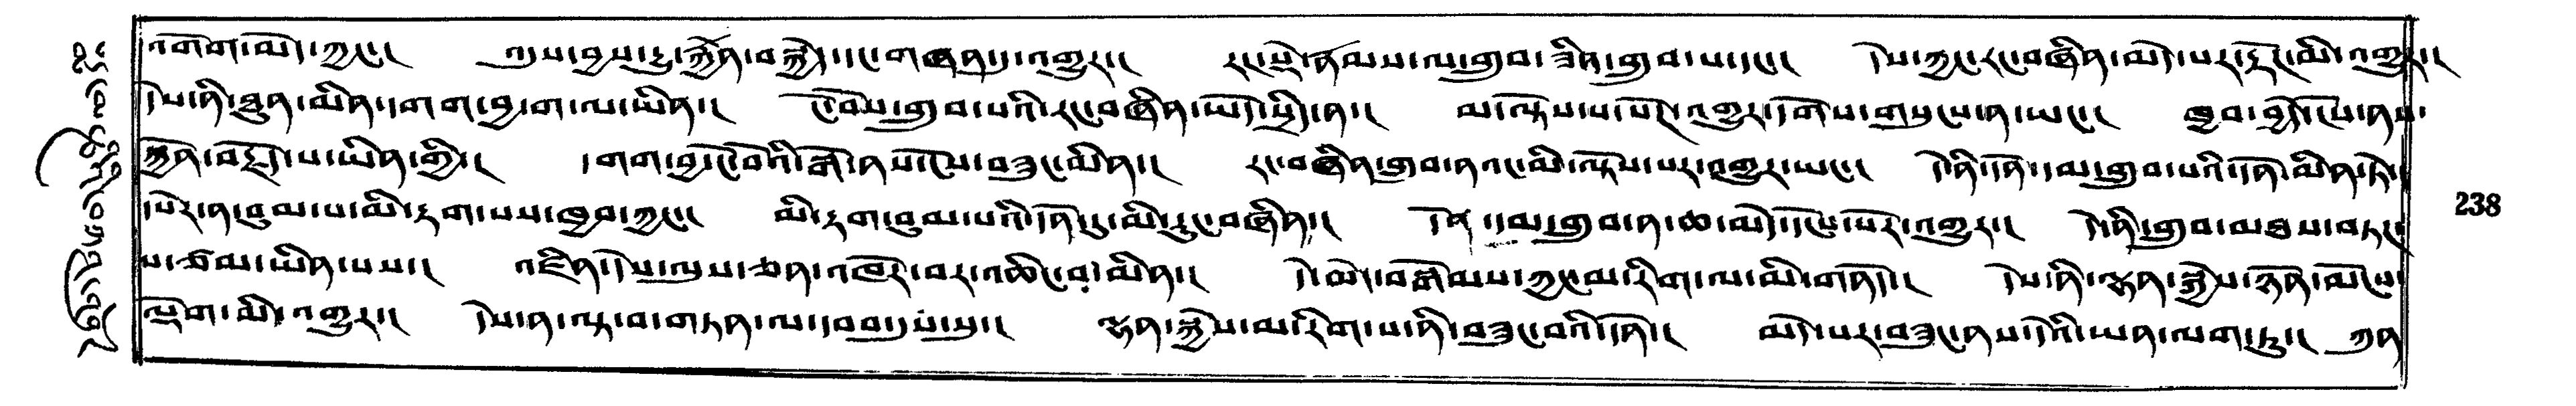འགོག་མོད་ཀྱང་། །འདུས་བྱས་རྒྱུ་རྐྱེན་བསྐྱེད་དང་གཞན་དུ་འགྱུར། །རང་སྡེ་རྣམས་ལ་གྲུབ་ཟིན་སྒྲུབ་པ་དང་། །དེས་ཀྱང་རང་བཞིན་མེད་པར་རྟོགས་མི་འགྱུར། །
དེས་ནི་ཐུན་མིན་དགག་བྱ་ག་ལ་ཡིན། །ངོ་བོས་གྲུབ་པའི་རང་བཞིན་ཡོད་སྲིད་ན། །མ་ལྟོས་པ་སོགས་འགྱུར་དགོས་གསུངས་ན་ཡང་། ཁྱབ་བྱེད་ངོས་ནས་
སྐྱོན་བརྗོད་པ་ཡིན་གྱི། །དགག་བྱ་ངོ་བོའི་སྒོ་ནས་ངོས་བཟུང་མིན། །རང་བཞིན་གྲུབ་ནའང་མི་ལྟོས་པར་འགྱུར་ཡང་། །དེ་ནི་དོན་དམ་གྲུབ་པའི་དོན་མིན་ཏེ། །
དཔེར་ན་བུམ་པར་མི་རྟག་པས་ཁྱབ་ཀྱང་། །མི་རྟག་བུམ་པའི་དོན་དུ་མི་རུང་བཞིན། །དོན་དམ་གྲུབ་ན་ཆ་མེད་དངོས་པོར་འགྱུར། །དེ་ནི་གྲུབ་མཐས་བཏགས་
པ་ཙམ་ཡིན་པས། །འཛིན་དེས་ལུས་ཅན་འཁོར་བར་འཆིང་བ་མིན། །དེ་མེད་བསྒོམས་ཀྱང་མ་རིག་ལ་མི་གནོད། །དེས་ནི་ལྷན་སྐྱེས་ཉོན་མོངས་
ལྡོག་མི་འགྱུར། །དེས་ན་ལྟ་བ་གཏན་ལ་དབབ་དུས་སུ། །ལྷན་སྐྱེས་མ་རིག་པ་ནི་བཟུང་བའི་དོན། །མེད་པར་བཟུང་ནས་དེའི་ཡན་ལག་ཏུ། །ཀུན་